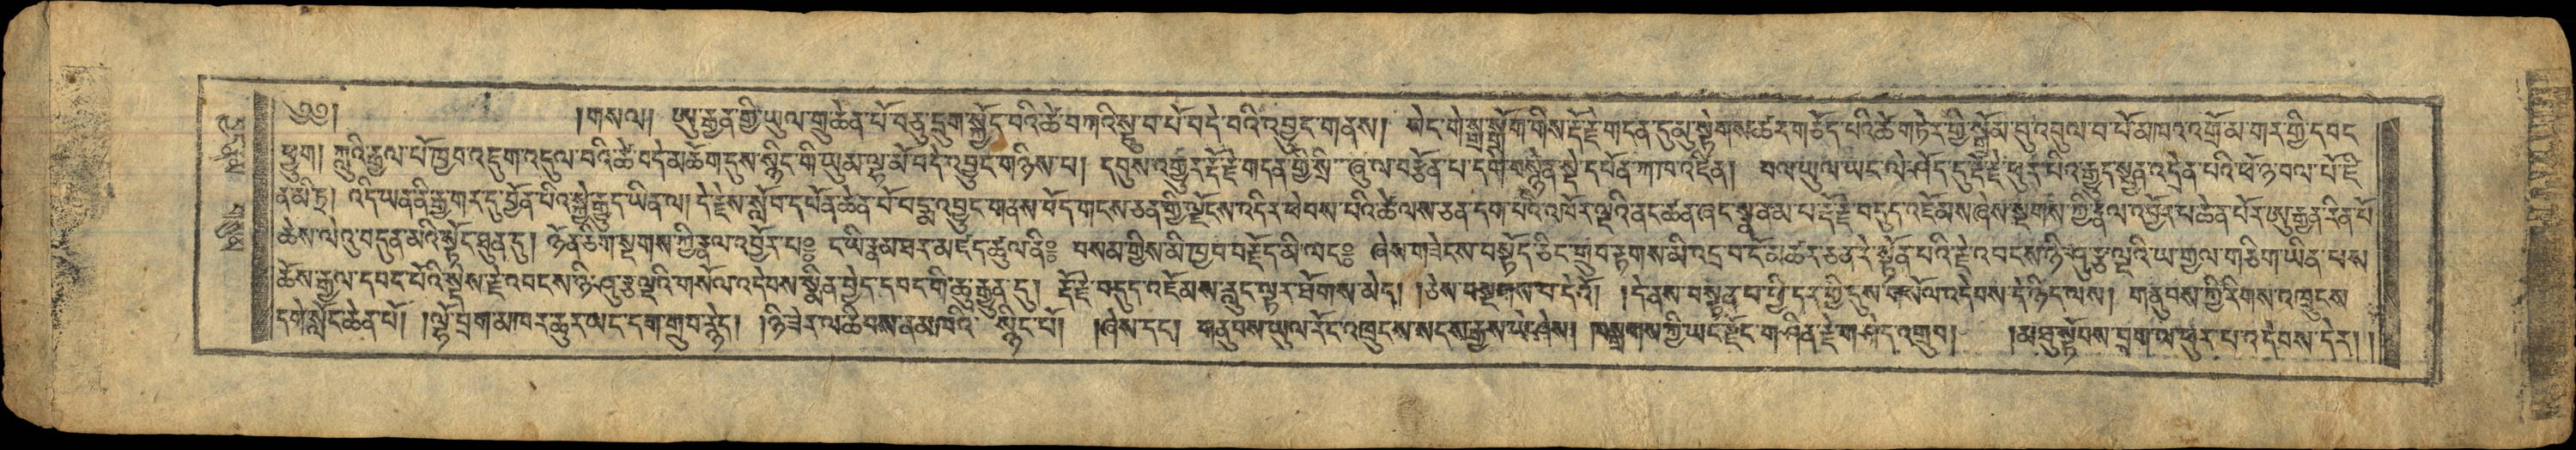༄༅། །གསལ། ཨུ་རྒྱན་གྱི་ཡུལ་གྲུ་ཆེན་པོ་བཅུ་དྲུག་སྐྱོང་བའི་ཚེ་བཀའི་སྡུ་བ་པོ་བདེ་བའི་འབྱུང་གནས། སེང་གེ་སྒྲ་སྒྲོག་གིས་རྡོ་རྗེ་གདན་དུ་མུ་སྟེགས་ཚར་གཅོད་པའི་ཚེ་གཏེར་གྱི་སྒྲོམ་བུ་འབུལ་བ་པོ་མཁའ་འགྲོ་མ་གར་གྱི་དབང་
ཕྱུག། ཀླུའི་རྒྱལ་པོ་ཁྱབ་འཇུག་འདུལ་བའི་ཚེ་བདེ་མཆོག་དུས་སྙིང་གི་ཡུམ་ལྷ་མོ་བདེ་འབྱུང་གཉིས་པ། དབུས་འགྱུར་རྡོ་རྗེ་གདན་གྱི་སྲི་ཞུལ་བརྩོན་པ་དགེ་བསྙེན་སྡེ་དཔོན་ཀ་ཁ་འཛིན། བལ་ཡུལ་ཡང་ལེ་ཤོད་དུ་རྡོ་རྗེ་ཕུར་པའི་རྒྱུད་སྤྱན་འདྲེན་པའི་ཕོ་ཉ་བལ་པོ་ཛི་
ན་མི་ཏ། འདི་ཡན་ནི་རྒྱ་གར་དུ་བྱོན་པའི་སྐྱེ་རྒྱུད་ཡིན་ལ། དེ་རྗེས་སློབ་དཔོན་ཆེན་པོ་པདམ་འབྱུང་ངས་བོད་གངས་ཅན་གྱི་ལྗོངས་འདིར་ཕེབས་པའི་ཚེ་ལས་ཅན་དག་པའི་འཁོར་ལྔའི་ནང་ཚན་ཞང་སྣ་ནམ་པ་རྡོ་རྗེ་བདུད་འཇོམས་ཞེས་སྔགས་ཀྱི་རྣལ་འབྱོར་པ་ཆེན་པོར་ཨུ་རྒྱན་རིན་པོ་
ཆེས་ལེའུ་བདུན་མའི་སྟོང་ཐུན་དུ། ཉོན་ཅིག་སྔགས་ཀྱི་རྣལ་འབྱོར་པཿ་ང་ཡེ་རྣམ་ཐར་མཛད་ཚུལ་ནིཿ་བསམ་གྱིས་མི་ཁྱབ་བརྗོད་མི་ལངཿ་ཞེས་གཟེངས་བསྟེད་ཅིང་གྲུབ་རྟགས་མི་འདྲ་བར་ངོ་མཚར་ཅན་རེ་སྟོན་པའི་རྗེ་འབངས་ཉི་ཤུ་རྩ་ལྔའི་ཡ་གྱལ་གཅིག་ཡིན་པས་
ཆོས་རྒྱལ་དབང་པོའི་སྡེས་རྗེ་འབངས་ཉི་ཤུ་རྩ་ལྔའི་གསོལ་འདེབས་སྨིན་བྱེད་དབང་གི་ཆུ་རྒྱུན་དུ། རྡོ་རྗེ་བདུད་འཇོམས་རླུང་ལྟར་ཐོགས་མེད། །ཅེས་བསྔགས་པ་དེའོ། །དེ་ནས་བསྟན་པ་ཕྱི་དར་གྱི་དུས་གསོལ་འདེབས་དེ་ཉིད་ལས། གནུབས་ཀྱི་རིགས་འཁྲུངས་
དགེ་སློང་ཆེན་པོ། །ལྷོ་བྲག་མཁར་ཆུར་ཡང་དག་གྲུབ་རྙེད། །ཉི་ཟེར་ལ་ཆིབས་ནམ་ཁའི་སྙིང་པོ། །ཞེས་དང་། གནུབས་ཡུལ་རོང་འཁྲུངས་སངས་རྒྱས་ཡེ་ཤེས། །བསྒྲགས་ཀྱི་ཡང་རྫོང་གཤིན་རྗེ་གཤེད་འགྲུབ། །མཐུ་སྟོབས་བྲག་ལ་ཕུར་པ་འདེབས་དེར། །